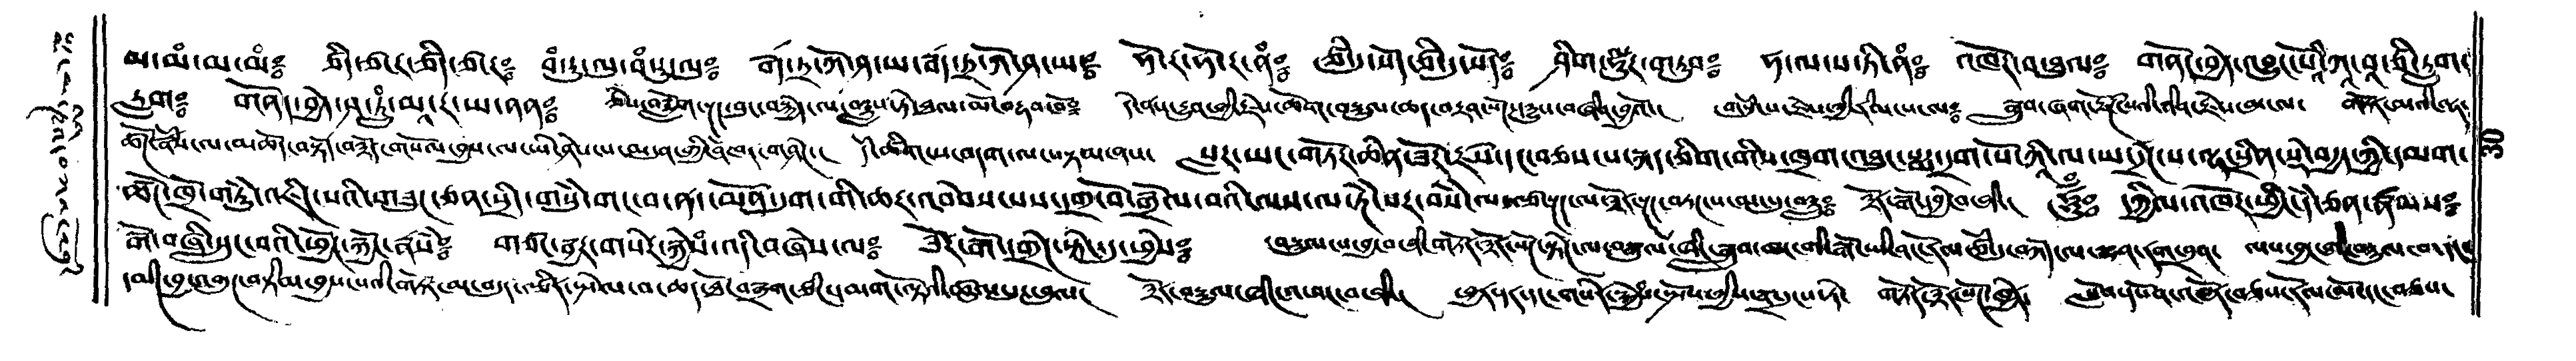མ་མཾ་མ་མཾ༔ ཙིད་ཙ་ར་ཙིད་ཙ་ར༔ བཾ་རུ་ལུ་བཾ་རུ་ལུ༔ རྦད་ཏྲ་ཀོ་ཤ་ཡ་རྦད་ཏྲ་ཀོ་ཤ་ཡ༔ ཧོ་ར་ཧཽ་ར་ནཾ༔ ཙི་དུ་སོད་ཙི་དུ་སོད༔ ཤིག་ལྷུར་གཏུབ༔ ཧ་ལ་པ་ཏི་ནཾ༔ འཁོར་བ་ཐུལ༔ གནོད་བྱེད་འབྱུང་པོའི་ཀཱ་བཱ་ཙི་རླག་
རླག༔ གནོད་བྱེད་ཤ་ཏྲུཾ་མཱ་ར་ཡ་ནན༔ ཅེས་ཟློག་སྔགས་དཔུང་བསྐྱེད་ལ་བཟླས་ཏེ་ཐལ་མོ་བརྡབ་བོ། དེ་ནས་་རྒྱུན་གྱི་རྗེས་ཆོག་བསྐུལ་བ་ཆད་བརྟན་སོགས་དཀྱུས་བཞིན་བྱའོ། གསུམ་པ་རྗེས་ཀྱི་རིམ་པ་ལ། སྒྲུབ་ཞག་རྫོགས་པའི་ཉིན་རྗེས་མ་ལ། གཏོར་མའི་ལྷ་
ཚོགས་རྣམས་ལ་མཆོད་བསྟོད་བཟོད་གསོལ་བྱས་ལ་ཡེ་ཤེས་པ་མདུན་གྱི་ནམ་མཁར་གཤེགས། དམ་ཚིག་པ་བདག་ལ་བསྟིམ་ནས། སླར་ཡང་གཏོར་ཆེན་ཟོར་རྫས་དང་བཅས་པ་སྐད་ཅིག་གིས་ཁྲག་འཐུང་པདྨ་དྲག་པོ་ཀཱི་ལ་ཡ་དྲེགས་པ་ལྷ་སྲིན་སྡེ་བརྒྱད་ཀྱི་དམག་
ཚོགས་ཁྲོ་གཏུམ་འཇིགས་པའི་གཟུགས་ཅན་སྲིད་གསུམ་གང་བ་ནད་མཚོན་དུག་གི་ཆར་འབེབས་པས་དགྲ་བོ་སྒྲོལ་བའི་ལས་ལ་རྔམ་པར་བསམ་ལ་རྩ་སྔགས་ལ་ཟོར་སྔགས་བཏགས་པ་མང་དུ་བཟླ༔ ཟོར་སྒོ་དབྱེ་བ་ནི། ཧཱུྃ༔ དཀྱིལ་འཁོར་ཕྱི་ནང་དམ་ཅན་རྣམས༔ 
སྒོ་བཞི་སྲུང་བའི་ཕྱོགས་སྐྱོང་རྣམས༔ གཙང་སྦྱར་གསེར་སྐྱེམས་འདི་བཞེས་ལ༔ ཟོར་སྒོ་དགྲ་བགེགས་སྟེང་དུ་ཕྱེས༔ བསྐུལ་པ་བྱ་བ་ནི་གཏོར་ཟོར་སོགས་སྟེགས་ལ་བསྐུལ་ཞིང་སྒྲུབ་ཁང་གི་སྒོ་ཡི་ནང་རོལ་ཙམ་དུ་བཀོད་ལ་སྨན་རག་བྲན། ལས་བྱང་གི་བསྐུལ་བ་དང་
དམིགས་བྱ་འགུགས་བསྟིམ་བྱས་པའི་གཏོར་མ་བདུད་རྩིར་སྤེལ་བ་ཆད་ཐོ་བསྒྲག་ཅིང་དམག་ལྟོའི་ཚུལ་དུ་ཕུལ། ཟོར་བསྐུལ་ཞིང་འཕང་བ་ནི། ཕྱར་དར་དང་གསེར་སྐྱེམས་སྤོས་ཀྱིས་སྣ་དྲངས་ཏེ། གཏོར་ཟོར་སོགས་ཁྱེར། སློབ་དཔོན་འཁོར་བཅས་རོལ་མོ་དང་བཅས་